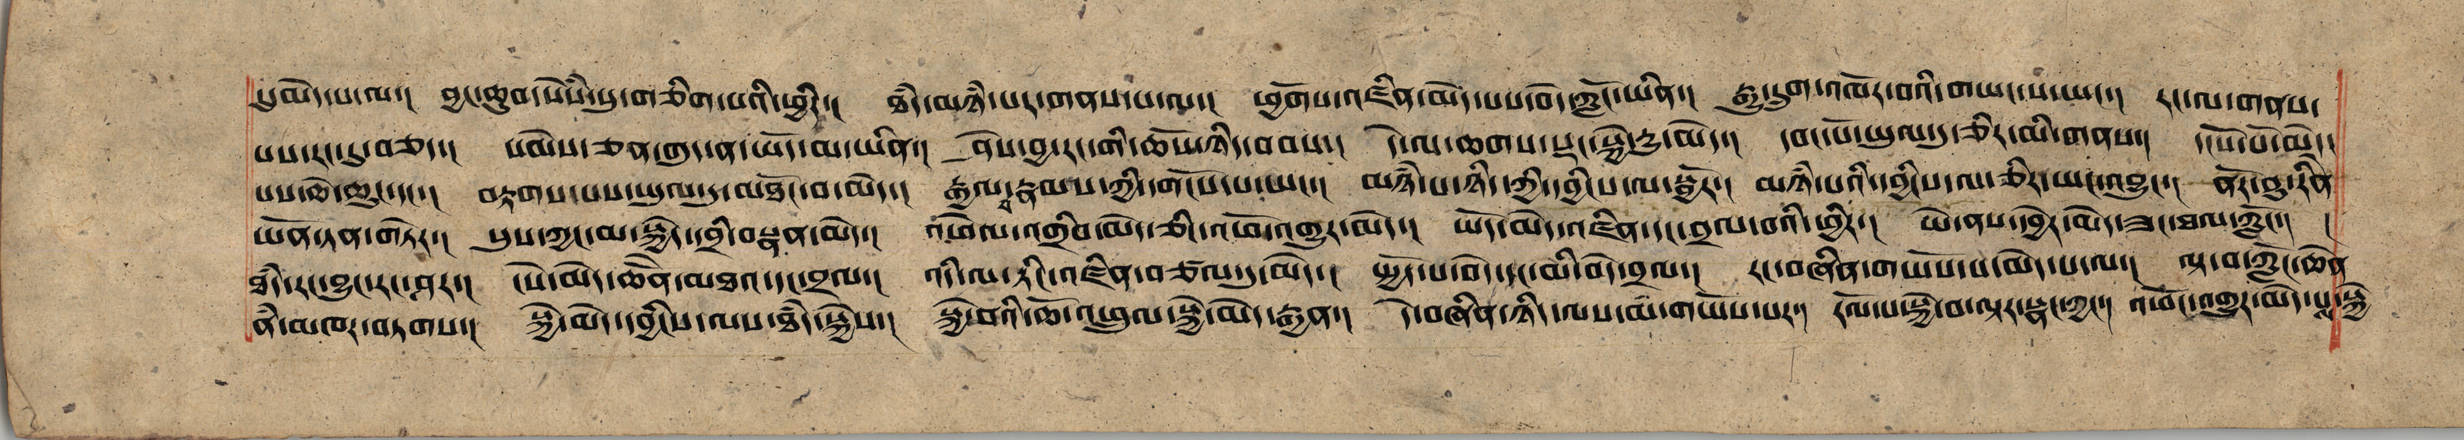དུ་མེད་པ་ལ་། བྱང་ཆུབ་སེཾས་སུ་གཅིག་པའི་ཕྱིར་། ཐཾད་མཉཾ་པར་གནས་པ་ལ་། ཕྱོགས་འཛིན་མེད་པས་བདེ་ཀློང་ཡིན་། རྒྱུ་དྲུག་འཁོར་བའི་གཡང་ས་ཡང་། རང་ལ་གནས་
པས་རང་དུ་བཅད་། སེམས་ཅན་གུད་ན་ཡོད་མ་ཡིན་། ཤེས་བྱ་རང་གི་ཆོས་ཉིད་བབས་། དེ་ལ་ཆགས་སྡང་སྐྱེ་ཏུ་མེད་། དབང་པོ་ཡུལ་དུ་ཅིར་མི་གནས་། དངོས་པོ་མེད་
པས་ཆེ་ཆུང་དང་། བརྟགས་པས་ཡུལ་དུ་མཐོང་བ་མེད་། རྒྱལ་བ་རྣམས་ཀྱི་དགོངས་པ་ཡང་། མཉཾ་པ་ཉིད་ཀྱི་དབྱིངས་ལ་སྦྱོར་། མཉཾ་པའི་དབྱིངས་ལ་ཅིར་ཡང་འབྱུང་། ནོར་བུ་རིན
ཡོན་ཏན་གཏེར་། སུས་ཀྱང་མ་སྐྱེད་དབྲི་བསྣན་མེད་། འཕེལ་འགྲིབ་མེད་ཅིང་འཕོ་འགྱུར་མེད་། ཡོད་མེད་འཛིན་དང་བྲལ་བའི་ཕྱིར་། ཡེ་ནས་དབྱེར་མེད་ཟང་ཐལ་ཀློང་།
ཐཾད་རང་བྱུང་རང་ཤར་།། ངེས་མེད་ཆེནོ་མཐའ་དང་བྲལ་། འདི་ལ་ཏིང་འཛིན་བཙལ་དུ་མེད་། སྤྱོད་པ་བདེ་དང་མི་བདེ་བྲལ་། རང་བཞིན་གཡོས་པ་མེད་པ་ལ་། ལྟ་བ་ཀློང་ཆེན
ནཾ་མཁར་བཏགས་། སྐྱེ་མེད་དབྱིངས་ལས་ཐཾད་སྐྱེས་། སྐྱེ་བའི་ཆོ་འཕྲུལ་སྐྱེ་མེད་རྒྱན་། དེ་བཞིན་ཉིད་ལས་མ་གཡོས་པར་། རོལ་པ་སྐྱེ་བ་ལྟར་སྣང་ཀྱང་། འཕོང་འགྱུར་མེད་པས་སྐྱེ